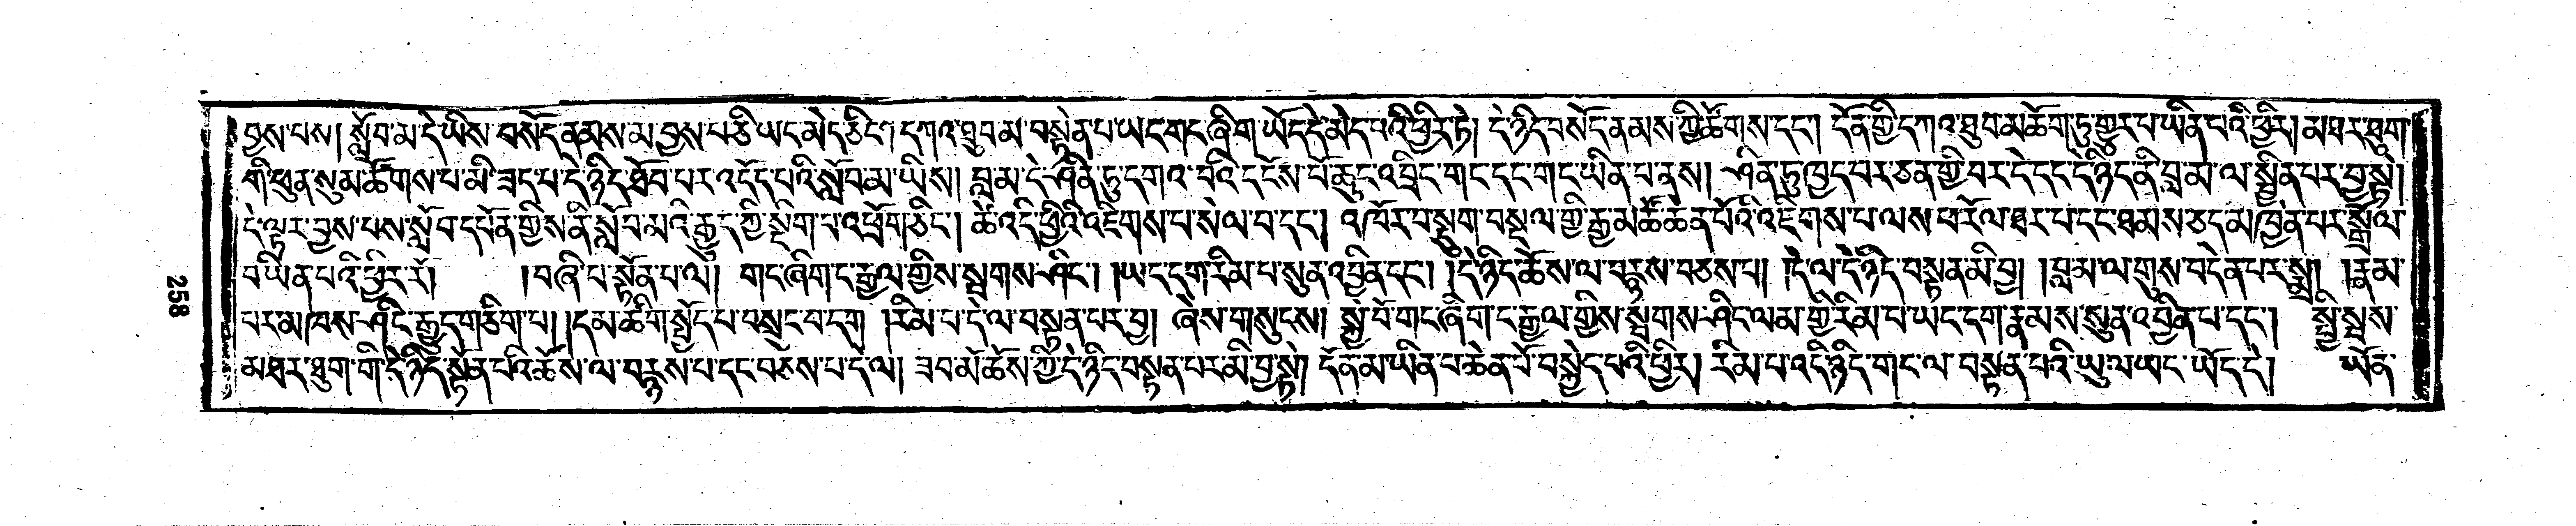བྱས་པས། སློབ་མ་དེ་ཡིས་བསོད་ནམས་མ་བྱས་པ་ཅི་ཡང་མེད་ཅིང་། དཀའ་ཐུབ་མ་བསྟེན་པ་ཡང་གང་ཞིག་ཡོད་དེ་མེད་པའི་ཕྱིར་ཏེ། དེ་ཉིད་བསོད་ནམས་ཀྱི་ཚོགས་དང་། དོན་གྱི་དཀའ་ཐུབ་མཆོག་ཏུ་གྱུར་པ་ཡིན་པའི་ཕྱིར། མཐར་ཐུག་
གི་ཕུན་སུམ་ཚོགས་པ་མི་ཟད་པ་དེ་ཉིད་ཐོབ་པར་འདོད་པའི་སློབ་མ་ཡིས། བླ་མ་དེ་ཤིན་ཏུ་དགའ་བའི་དངོས་པོ་ཆུང་འབྲིང་གང་དང་གང་ཡིན་པ་ནས། ཤིན་ཏུ་ཁྱད་པར་ཅན་གྱི་བར་དེ་དང་དེ་ཉིད་ནི་བླ་མ་ལ་སྦྱིན་པར་བྱ་སྟེ།
དེ་ལྟར་བྱས་པས་སློབ་དཔོན་གྱིས་ནི་སློབ་མའི་རྒྱུད་ཀྱི་སྡིག་པ་འཕྲོག་ཅིང་། ཚེ་འདི་ཕྱིའི་འཇིགས་པ་སེལ་བ་དང་། འཁོར་བ་སྡུག་བསྔལ་གྱི་རྒྱ་མཚོ་ཆེན་པོའི་འཇིགས་པ་ལས་ཕ་རོལ་ཐར་པ་དང་ཐམས་ཅད་མཁྱེན་པར་སྒྲོལ་
བ་ཡིན་པའི་ཕྱིར་རོ། །བཞི་པ་སྟོན་པ་ལ། གང་ཞིག་ང་རྒྱལ་གྱིས་སྦགས་ཤིང་། །ཡང་དག་རིམ་པ་སུན་འབྱིན་དང་། །དེ་ཉིད་ཆོས་ལ་བརྙས་བཅས་པ། །དེ་ལ་དེ་ཉིད་བསྟན་མི་བྱ། །བླ་མ་ལ་གུས་བདེན་པར་སྨྲ། །རྣམ་
པར་མཁས་ཤིང་རྒྱུད་གཅིག་པ། །དམ་ཚིག་སྤྱོད་པ་བསྲུང་བ་དག །རིམ་པ་དེ་ལ་བསྟན་པར་བྱ། ཞེས་གསུངས། སྐྱེ་བོ་གང་ཞིག་ང་རྒྱལ་གྱིས་སྦྲགས་ཤིང་ལམ་གྱི་རིམ་པ་ཡང་དག་རྣམས་སུན་འབྱིན་པ་དང་། སྤྱི་སྦས་
མཐར་ཐུག་གི་དེ་ཉིད་སྟོན་པའི་ཆོས་ལ་བརྙས་པ་དང་བཅས་པ་དེ་ལ། ཟབ་མོ་ཆོས་ཀྱི་དེ་ཉིད་བསྟན་པར་མི་བྱ་སྟེ། དོན་མ་ཡིན་པ་ཆེན་པོ་བསྐྱེད་པའི་ཕྱིར། རིམ་པ་འདི་ཉིད་གང་ལ་བསྟན་པའི་ཡུལ་ཡང་ཡོད་དེ། ཡོན་